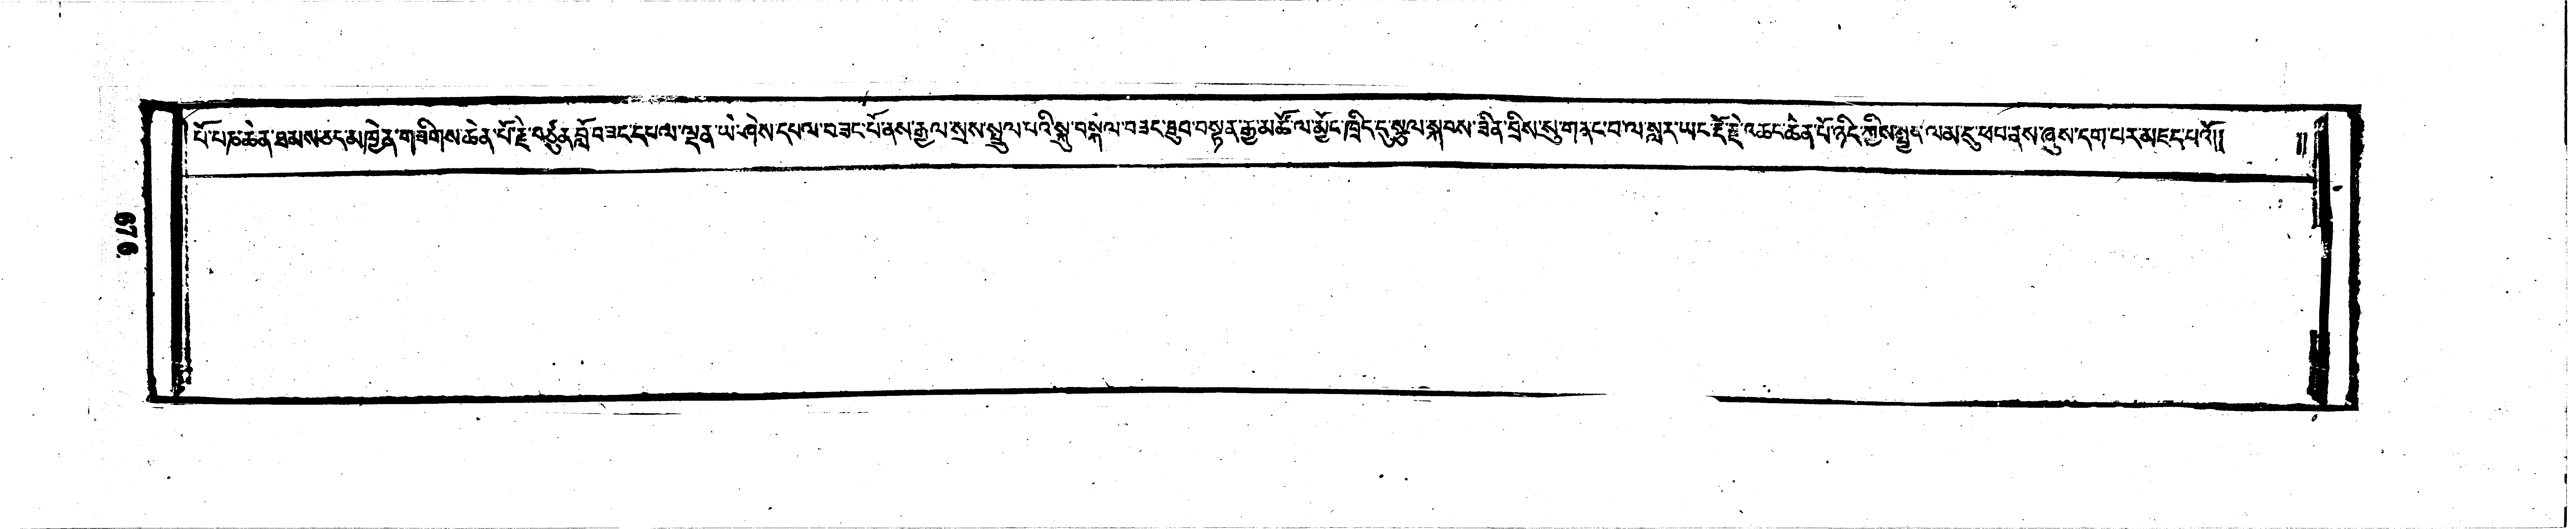པོ་པཎ་ཆེན་ཐམས་ཅད་མཁྱེན་གཟིགས་ཆེན་པོ་རྗེ་བཙུན་བློ་བཟང་དཔལ་ལྡན་ཡེ་ཤེས་དཔལ་བཟང་པོ་ནས་རྒྱལ་སྲས་སྤྲུལ་པའི་སྐུ་བསྐལ་བཟང་ཐུབ་བསྟན་རྒྱ་མཚོ་ལ་མྱོང་ཁྲིད་དུ་སྩལ་སྐབས་ཟིན་བྲིས་སུ་གནང་བ་ལ་སླར་ཡང་རྡོ་རྗེ་འཆང་ཆེན་པོ་ཉིད་ཀྱིས་སྤྱན་ལམ་དུ་ཕབ་ནས་ཞུས་དག་པར་མཇད་པའོ།། །།